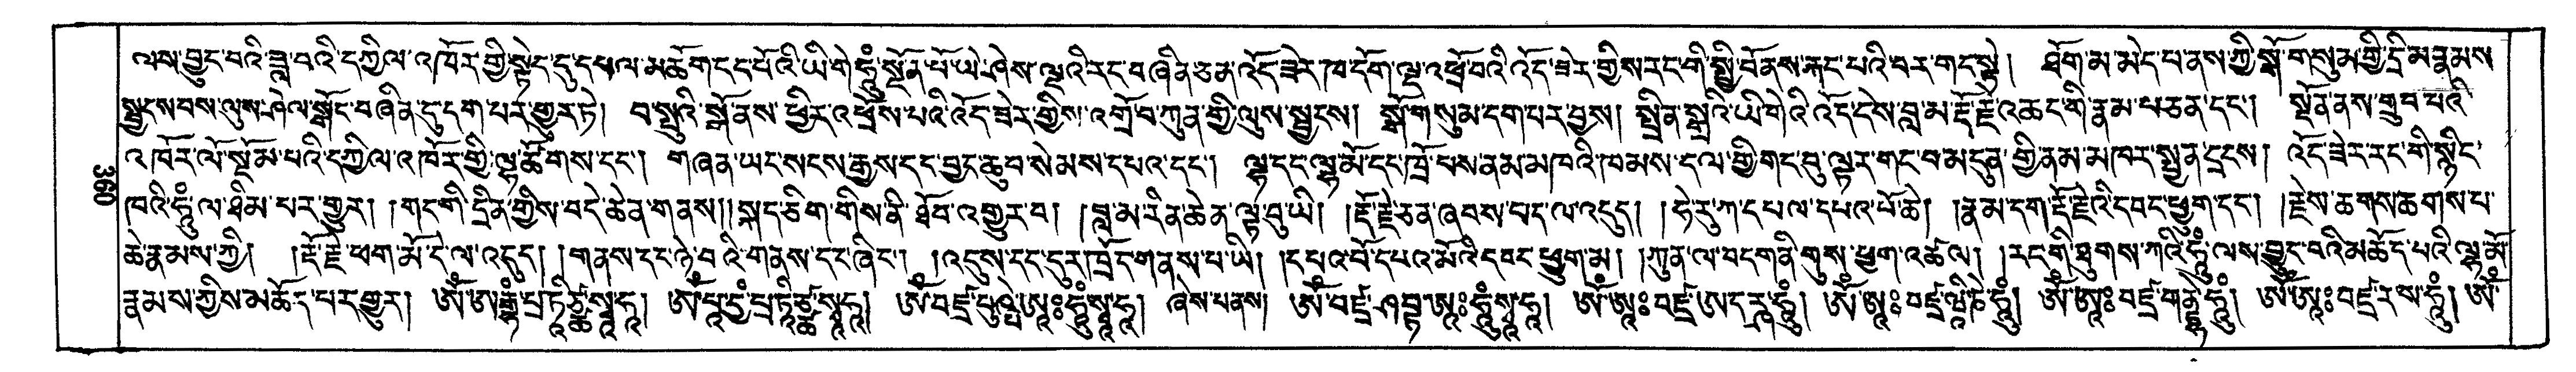ལས་བྱུང་བའི་ཟླ་བའི་དཀྱིལ་འཁོར་གྱི་སྟེང་དུ་དཔལ་མཆོག་དང་པོའི་ཡི་གེ་ཧཱུཾ་སྔོན་པོ་ཡེ་ཤེས་ལྔའི་རང་བཞིན་ཅན་འོད་ཟེར་ཁ་དོག་ལྔ་འཕྲོ་བའི་འོད་ཟེར་གྱིས་རང་གི་སྤྱི་བོ་ནས་རྐང་པའི་བར་གང་སྟེ། ཐོག་མ་མེད་པ་ནས་ཀྱི་སྒོ་གསུམ་གྱི་དྲི་མ་རྣམས་
སྦྱངས་པས་ལུས་ཤེལ་སྒོང་བཞིན་དུ་དག་པར་གྱུར་ཏེ། བ་སྤུའི་སྒོ་ནས་ཕྱིར་འཕྲོས་པའི་འོད་ཟེར་གྱིས་འགྲོ་བ་ཀུན་གྱི་ལུས་སྦྱངས། སྒོ་གསུམ་དག་པར་བྱས། སྤྲིན་སྒྲའི་ཡི་གེའི་འོད་དེས་བླ་མ་རྡོ་རྗེ་འཆང་གི་རྣམ་པ་ཅན་དང་། སྔོན་ནས་གྲུབ་པའི་
འཁོར་ལོ་སྔོམ་པའི་དཀྱིལ་འཁོར་གྱི་ལྷ་ཚོགས་དང་། གཞན་ཡང་སངས་རྒྱས་དང་བྱང་ཆུབ་སེམས་དཔའ་དང་། ལྷ་དང་ལྷ་མོ་དང་ཁྲོ་བོས་ནམ་མཁའི་ཁམས་ཏིལ་གྱི་གང་བུ་ལྟར་གང་བ་མདུན་གྱི་ནམ་མཁར་སྤྱན་དྲངས། འོད་ཟེར་རང་གི་སྙིང་
ཁའི་ཧཱུཾ་ལ་ཐིམ་པར་གྱུར། །གང་གི་དྲིན་གྱིས་བདེ་ཆེན་གནས། །སྐད་ཅིག་གིས་ནི་ཐོབ་འགྱུར་བ། །བླ་མ་རིན་ཆེན་ལྟ་བུ་ཡི། ། རྡོ་རྗེ་ཅན་ཞབས་པད་ལ་འདུད། །ཧེ་རུ་ཀ་དཔལ་དཔའ་བོ་ཆེ། ། རྣམ་དག་རྡོ་རྗེའི་དབང་ཕྱུག་དང་། །རྗེས་ཆགས་ཆགས་པ་
ཆེ་རྣམས་ཀྱི། །རྡོ་རྗེ་ཕག་མོ་དེ་ལ་འདུད། །གནས་དང་ཉེ་བའི་གནས་དང་ཞིང་། །འདུས་དང་དུར་ཁྲོད་གནས་པ་ཡི། །དཔའ་བོ་དཔའ་མོའི་དབང་ཕྱུག་མ། །ཀུན་ལ་བདག་ནི་གུས་ཕྱག་འཚལ། །རང་གི་ཐུགས་ཀའི་ཧཱུཾ་ལས་བྱུང་བའི་མཆོད་པའི་ལྷ་མོ་
རྣམས་ཀྱིས་མཆོད་པར་གྱུར། ཨོཾ་ཨརྒྷཾ་པྲ་ཏཱིཙྪ་སྭཱ་ཧཱ། ཨོཾ་པཱ་དྱཾ་པྲ་ཏཱིཙྪ་སྭཱ་ཧཱ། ཨོཾ་བཛྲ་པུཥྤེ་ཨཱཿ ཧཱུཾ་སྭཱ་ཧཱ། ཞེས་པ་ནས། ཨོཾ་བཛྲ་ཤཔྟ་ཨཱཿ ཧཱུཾ་སྭཱ་ཧཱ། ཨོཾ་ཨཱཿ བཛྲ་ཨ་དརྴེ་ཧཱུཾ། ཨོཾ་ཨཱཿ བཛྲ་ཝཱི་ཎེ་ཧཱུཾ། ཨོཾ་ཨཱཿ བཛྲ་གནྡྷེ་ཧཱུཾ། ཨོཾ་ཨཱཿ བཛྲ་ར་ས་ཧཱུཾ། ཨོཾ་